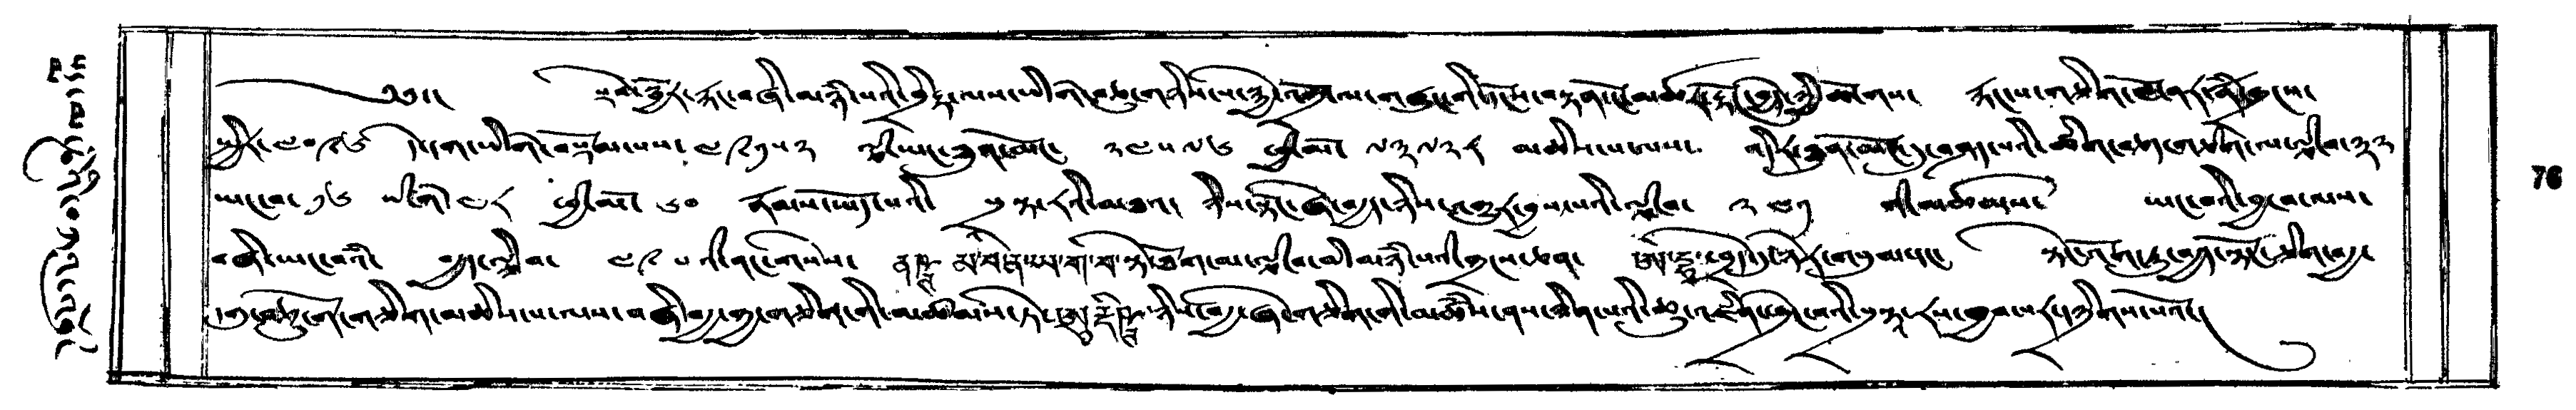སྡེབ་སྦྱོར་རྐང་བཞི་མཉམ་པའི་བྲི་ཏྟ་ལས་ཡི་གེ་བཅུ་གཉིས་པ་སྐྱེ་འགྲོ་ལ་གཞུང་གི་དངོས་བསྟན་ངོ་མཚར་རྟོགས་བྱེད་ཀྱི་ཆོ་གས། རྐང་པ་གཅིག་ཁོ་ནར་རྣམ་གྲངས་
སྤྱིར་ ༤༠༩༦ དེ་དག་ཡི་གེ་བསྡོམས་པས་ ༤༩༡༥༢ ལྕི་ཡང་ཐུན་མོང་ ༢༤༥༧༦ ཕྱི་མོ་ ༧༣༧༢༨ མཆིས་པ་ལས། འདིར་ཐུན་མོང་དུ་བཤད་པའི་ཚིག་བཅད་གཅིག་ལ་ལྕི་བ་ ༣༢ 
ཡང་བ་ ༡༦ ཡི་གེ་ ༤༨ ཕྱི་མོ་ ༦༠ རྣམས་ཡོད་པའི་པྲཱསྟ་རའི་མཐའ། ཉིས་སྟོང་ཞེ་བརྒྱད་ཉིས་འགྱུར་བྱས་པའི་ལྕི་བ་ ༢༤༡ གི་མཚམས་ཡང་བའི་བྱ་བ་ལས་
བཞི་ཡང་བའམ། བརྒྱད་ལྕི་བ་ ༤༩ པའི་ནང་གསེས། ནཥྚ་མ་བ་ན་ཡ་ག་བ་སྟེ་ཐོག་མ་ལྕི་བ་མི་མཉམ་པའི་གྲངས་ཅན། ཨ་དྷྭ་ཕྲེད་དུ་ཉེར་གསུམ་དང་། སྟེང་འོག་ཏུ་བརྒྱད་སྟོང་ཅིག་བརྒྱ་
དགུ་བཅུ་གོ་གཅིག་མཆིས་པ་ལས་བཞི་བརྒྱ་གྱ་གཅིག་གི་མཚམས་ཏེ་ཨུརྡཥྚི་ཉིས་བརྒྱ་ཞེ་གཅིག་གི་མཚམས་ནས་ཟིན་པའི་ཆུ་འཛིན་ཕྲེང་བའི་པྲཱསྟཱ་རས་ཁྱབ་པར་དཀྲིགས་པའོ། །